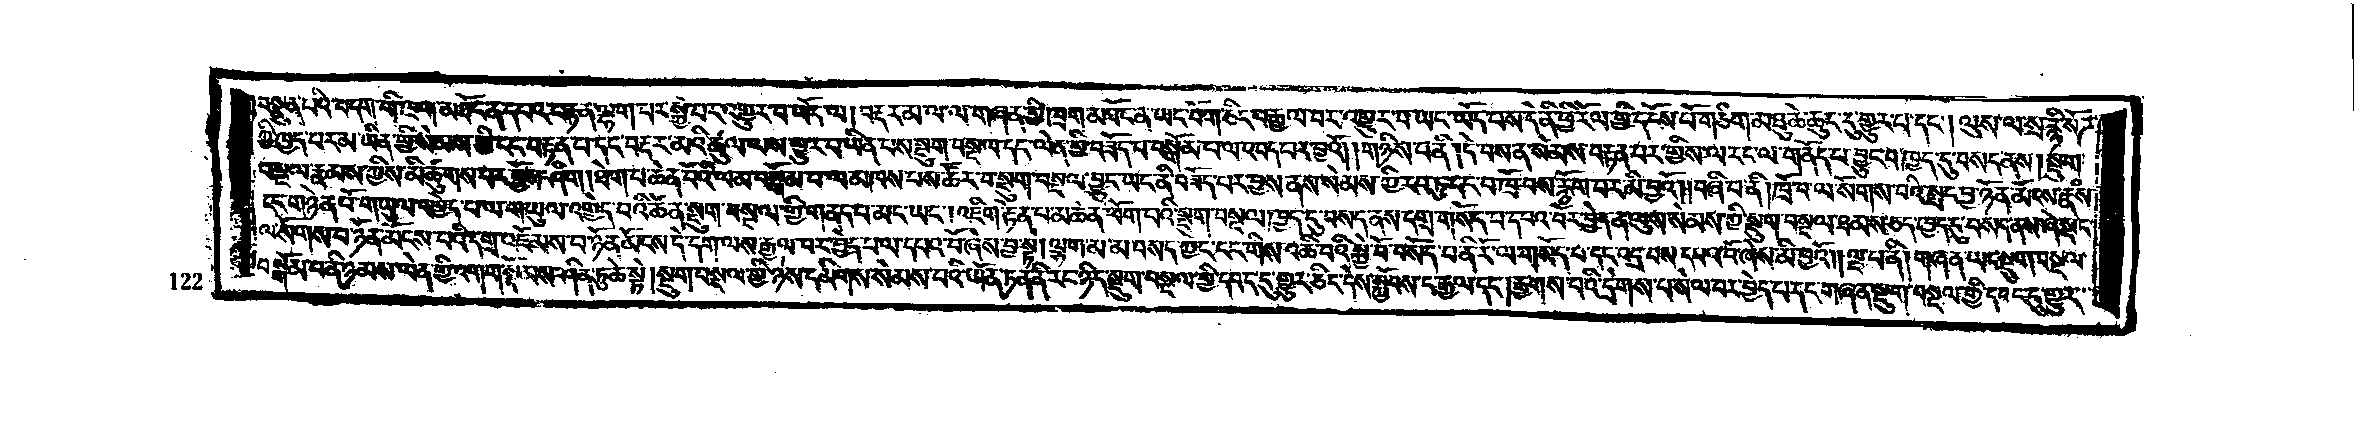བསྣུན་པའི་དག་གི་ཁྲག་མཐོང་ན་དཔའ་བརྟན་ལྷག་པར་སྐྱེ་བར་འགྱུར་བ་ཡོད་ལ། བརྡར་མ་ལ་ལ་གཞན་གྱི་ཁྲག་མཐོང་ན་ཡང་བོག་ཅིང་བརྒྱལ་བར་འགྱུར་བ་ཡང་ཡོད་པས་དེ་ནི་ཕྱི་རོལ་གྱི་དངོས་པོ་དངོས་པོ་གཅིག་མཐུ་ཆེ་ཅུང་ངུ་གྱུར་པ་དང་། ལུས་ལ་སྲ་རྙི་སོགས་
ཀྱི་ཁྱད་པར་མ་ཡིན་གྱི་སེམས་ཀྱི་ངང་བརྟན་པ་དང་བརྡར་མའི་ཚུལ་ལས་གྱུར་བ་ཡིན་པས་སྡུག་བསྔལ་དང་ལེན་གྱི་བཟོད་པ་བསྒོམ་པ་ལ་འབད་པར་བྱའོ། །གཉིས་པ་ནི། དེ་བས་ན་སེམས་བཏན་པར་གྱིས་ལ་རང་ལ་གནོད་པ་བྱུང་བ་ཁྱད་དུ་བསད་ནས། སྡུག་
བསྔལ་རྣམས་ཀྱིས་མི་ཚུགས་པར་བྱོས་ཤིག །ཐེག་པ་ཆེན་པོའི་ལམ་བསྒོམ་པ་ལ་མཁས་པས་ཚོར་བ་སྡུག་བསྔལ་བྱུང་ཡང་མི་བཟོད་པར་བྱས་ནས་སེམས་ཀྱི་རབ་ཏུ་དང་བ་ཁོར་བས་རྙོག་པར་མི་བྱའོ། །བཞི་པ་ནི། ཁྲོ་བ་ལ་སོགས་པའི་སྤང་བྱ་ཉོན་མོངས་རྣསམ་
དང་གཉེན་པོ་གཡུལ་འགྱེད་པ་ལ་གཡུལ་འགྱེད་པའི་ཚེ་ན་སྡུག་བསྔལ་གྱི་གནད་པ་མང་ཡང་། འཇིག་རྟེན་པ་མཚན་ཕོག་པའི་སྡུག་བསྣགལ་ཁྱད་དུ་བསད་ནས་དགྲ་གསོད་པ་དཔའ་བོར་བྱེད་ན་ལུས་སེམས་ཀྱི་སྡུག་བསྔལ་ཐམས་ཅད་ཁྱད་དུ་བསད་ནས་ཞེ་སྡང་
ལ་སོགས་པ་ཉོན་མོངས་པའི་དགྲ་འཇོམས་པ་ཉོན་མོངས་དེ་དག་ལས་རྒྱལ་བར་བྱེད་པ་ལ་དཔའ་བོ་ཞེས་བྱ་སྟེ། ལྷག་མ་མ་བསད་ཀྱང་ངང་གིས་འཆི་བའི་སྐྱེ་བོ་བསོད་པ་ནི་རོ་ལ་གསོད་པ་དང་འདྲ་བས་དཔའ་བོ་ཞེས་མི་བྱའོ། །ལྔ་པ་ནི། གཞན་ཡང་སྡུག་བསྔལ་
བསྒོམ་པ་ནི་ཉམས་ལེན་གྱི་འགག་སྡོམས་ཤིན་ཏུ་ཆེ་སྟེ། སྡུག་བསྔལ་གྱི་ཉེས་དམིགས་སེམས་པའི་ཡོན་ཏན་ནི་རང་ཉིད་སྡུག་བསྔལ་གྱི་དང་དུ་གྱུར་ཅིང་དེས་སྐྱོབས་ང་རྒྱལ་དང་། རྒྱགས་པའི་དྲེགས་པ་སེལ་བར་བྱེད་པ་དང་གཞན་སྡུག་བསྔལ་གྱི་དབང་དུ་གྱུར་